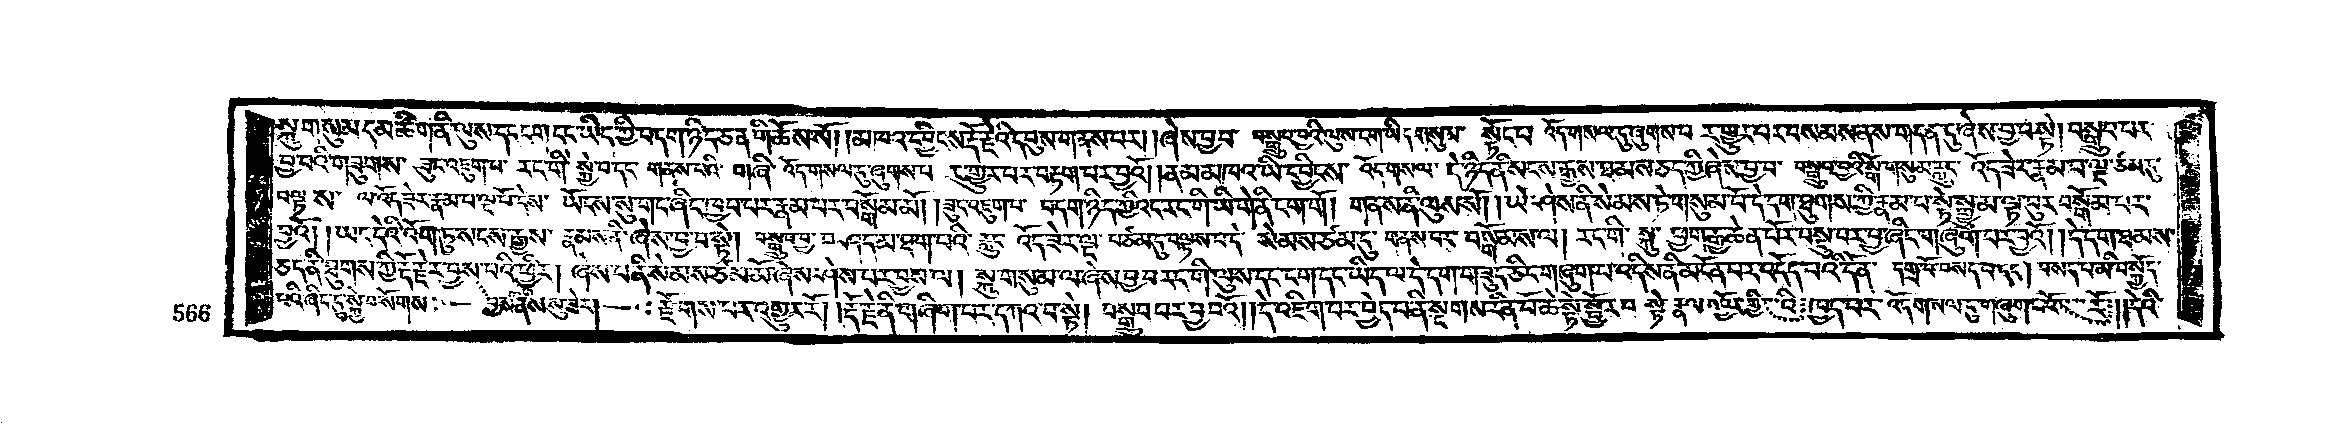སྐུ་གསུམ་དམ་ཚིག་ནི་ལུས་དང་ངག་དང་ཡིད་ཀྱི་བདག་ཉིད་ཅན་གྱི་ཆོས་སོ། །མཁའ་དབྱིངས་རྡོ་རྗེའི་དབུས་གནས་པར། །ཞེས་བྱ་བ་བསྒྲུབ་བྱའི་ལུས་ངག་ཡིད་གསུམ་སྟོང་པ་འོད་གསལ་དུ་ཞུགས་པར་གྱུར་པར་བསམས་ནས་གདན་དུ་ཞེས་བྱ་བ་སྟེ། བསྒྲུབ་པར་
བྱ་བའི་གཟུགས་ཟུང་འཇུག་པ་རང་གི་སྐྱེ་བ་དང་གནས་པའི་གཞི་འོད་གསལ་དུ་ཞུགས་པར་གྱུར་པར་བརྟག་པར་བྱའོ། །ནམ་མཁའི་ཡི་དབྱིངས་འོད་གསལ་དེ་ཉིད་ནི་སངས་རྒྱས་ཐམས་ཅད་ཀྱི་ཞེས་བྱ་བ་བསྒྲུབ་བྱའི་སྒོ་གསུམ་རླུང་འོད་ཟེར་རྣམ་པ་ལྔ་ཙམ་དུ་
བལྟས་ལ་འོད་ཟེར་རྣམ་པ་ལྔ་པོ་དེས་ཡོངས་སུ་གང་ཞིང་ཁྱབ་པར་རྣམ་པར་བསྒོམ་མོ། །ཟུང་འཇུག་པ་བདག་ཉིད་ཀྱིའང་རང་གི་ཡི་གེ་ནི་ངག་གོ །གནས་ནི་ལུས་སོ། །ཡེ་ཤེས་ནི་སེམས་ཏེ་གསུམ་པོ་དེ་དག་ཐུགས་ཀྱི་རྣམ་པ་སྟེ་སྒྱུར་མ་ལྟ་བུར་བསྒོམ་པར་
བྱའོ། །ཡང་དེའི་འོག་ཏུ་སངས་རྒྱས་རྣམས་ནི་ཞེས་བྱ་བ་སྟེ། བསྒྲུབ་བྱ་བཤད་མ་ཐག་པའི་རླུང་འོད་ཟེར་ལྔ་པ་ཙམ་དུ་བལྟས་པ་དེ་སེམས་ཙམ་དུ་གནས་པར་བསྒོམས་ལ། རང་གི་སྐུ་ཕྱག་རྒྱ་ཆེན་པོར་བསྡུ་བར་བྱ་ཞིང་གཞུག་པར་བྱའོ། །དེ་དག་ཐམས་
ཅད་ནི་ཐུགས་ཀྱི་རྡོ་རྗེར་བྱས་པའི་ཕྱིར། ཞེས་པ་ནི་སེམས་ཙམ་མོ་ཞེས་ཤེས་པར་བྱས་ལ། སྐུ་གསུམ་ལ་ཞེས་བྱ་བ་རང་གི་ལུས་དང་ངག་དང་ཡིད་ལ་དེ་དག་གཟུང་ཅིང་གཞུག་པ་འདིས་ནི་མངོན་པར་འདོད་པའི་དོན་དགྲ་བོ་བསད་པ་དང་། བསད་པ་མི་བསྐྱོད་
པའི་ཞིང་དུ་སྐྱེ་བ་སོགས་བྱས་ཆག་ནས་སུ་ཟེར། རྫོགས་པར་འགྱུར་རོ། །རྡོ་རྗེ་ནི་གཞིག་པར་དཀའ་བ་སྟེ། བསྒྲུབ་པར་བྱ་བའོ། །དེ་འཇིག་པར་བྱེད་པ་ནི་སྔགས་རིན་པོ་ཆེ་སྟེ་སྦྱོར་བ་སྟེ་རྣལ་འབྱོར་གྱི་འི་ཁྱད་པར་འོད་གསལ་དུ་གཞུག་པའོ་རོ། །དེའི་